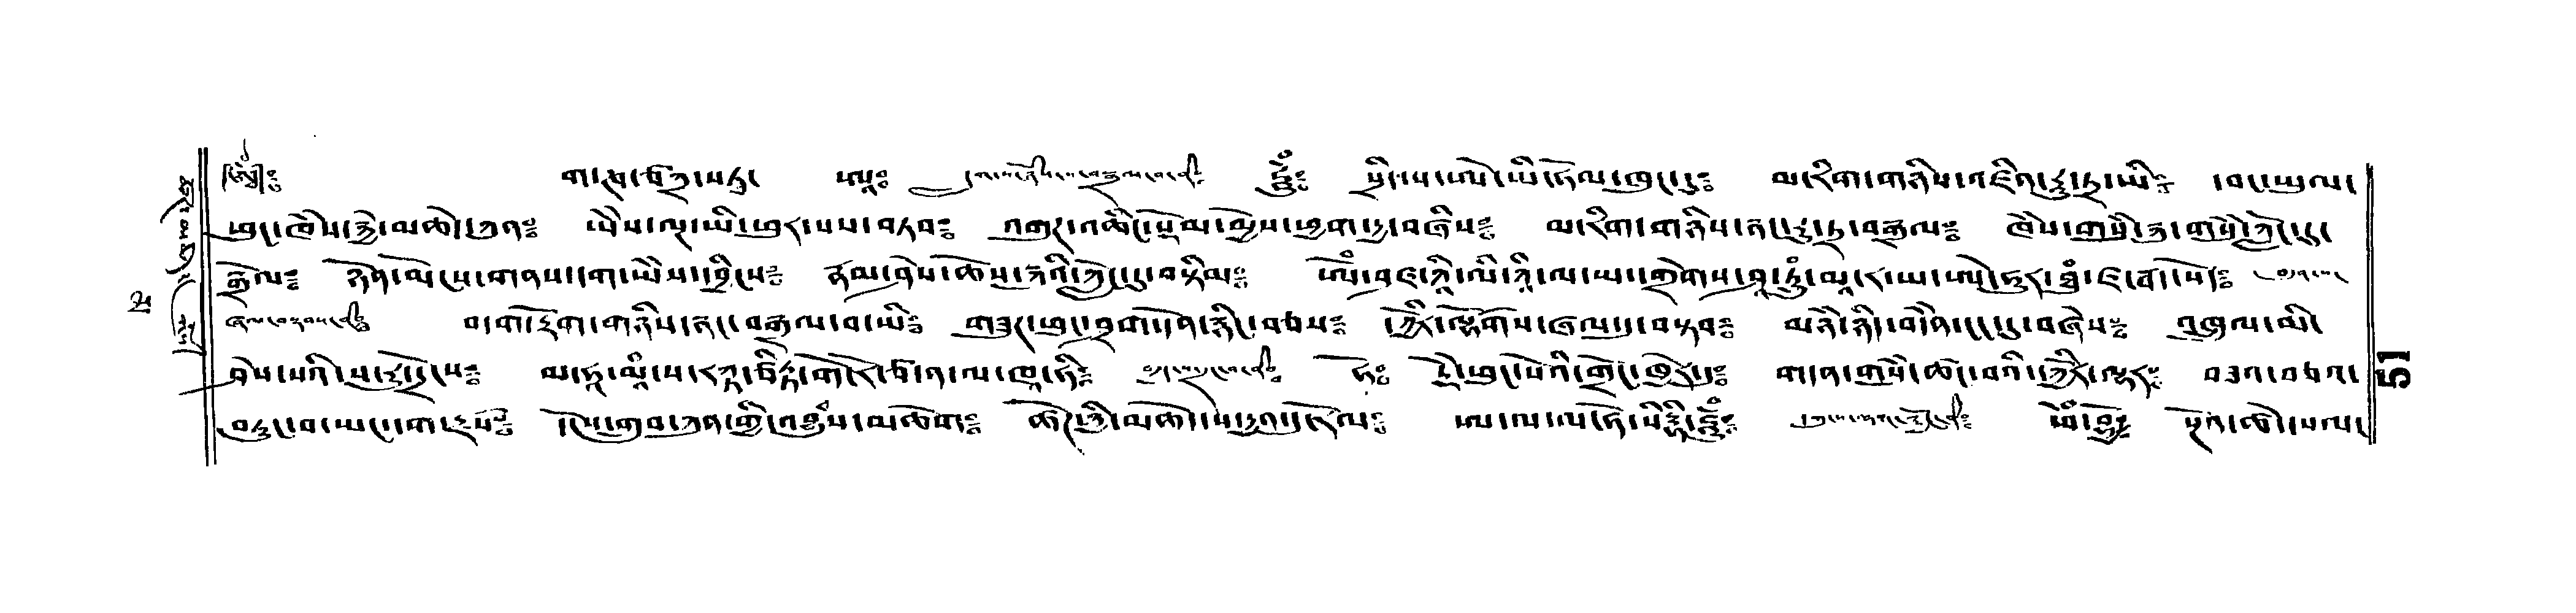ག་ཎ་ཙཀྲ་སཏྭ་ཨཱཿ དྲུག་པ་ཉམས་པ་བསྒྲལ་བ་ནིཿ ཧཱུྃ༔ སྲིད་པ་ཨེ་ཡི་ཧོམ་ཁུང་དུ༔ མ་རིག་གཉིས་འཛིན་རཱུ་ཏྲ་ཡི༔ དབང་ཡུལ་
ཕུང་ཁམས་སྐྱེ་མཆེད་ཀུན༔ ཡེ་ཤེས་ལྔ་ཡི་ཕུར་པས་བཏབ༔ འགུགས་འཆིང་སྡོམ་མྱོས་ཕྱག་རྒྱ་བཞིས༔ མ་རིག་གཉིས་སྣང་རུ་ཏྲ་བསྒྲལ༔ ཁམས་གསུམ་སྐུ་གསུམ་ཀློང་དུ་
སྒྲོལ༔ ཉོན་མོངས་གནས་དག་ཡེ་ཤེས་དབྱིངས༔ རྣམ་ཤེས་ཆོས་སྐུའི་ཀློང་དུ་བསྟིམ༔ ཨོཾ་བཛྲ་ཀཱི་ལི་ཀཱི་ལ་ཡ་དགྲ་བགེགས་ཤཱ་ཏྲུཾ་མཱ་ར་ཡ་ཨེ་ཧུར་ཐུཾ་ཛ་རྦད་སོད༔ བདུན་པ་
ཞལ་བསྟབ་ནི༔ བདག་རྟོག་གཉིས་སྣང་བསྒྲལ་བ་ཡི༔ གཟུགས་ཕུང་ཤ་ཁྲག་དོན་སྙིང་བཅས༔ དཀྱིལ་འཁོར་ལྷ་ཚོགས་ཞལ་དུ་བསྟབ༔ མཉམ་ཉིད་བདེ་ཆེན་ངང་དུ་བཞེས༔ འཁྲུལ་མི་
ཤེས་པའི་ས་རུ་དྲོངས༔ མ་ཧཱ་མཱཾ་ས་རཀྟ་ཙིཏྟ་གོ་རོ་ཙ་ན་ལ་ཁཱ་ཧི༔ བརྒྱད་པ་དྲང་བ་ནི༔ ཧོཿ རྡོ་རྗེ་ཕུང་པོའི་གྲོང་ཁྱེར་དུ༔ གདན་གསུམ་ཚང་བའི་དཀྱིལ་འཁོར་ལྷར༔ བཟའ་བཅའ་
བཏུང་བ་ཡང་དག་རྫས༔ དངོས་གྲུབ་ཀུན་གྱི་འབྱུང་གནས་མཆོག༔ ཚོགས་ཀྱི་མཆོད་པ་རྒྱན་དུ་རོལ༔ ཨ་ལ་ལ་ཧོ་སིདྡྷི་ཧཱུྃ༔ དགུ་པ་ལྷག་སྐྱོང་ནི༔ ཕེཾ་བྷྱོཿ སྔོན་ཚེ་དཔལ་